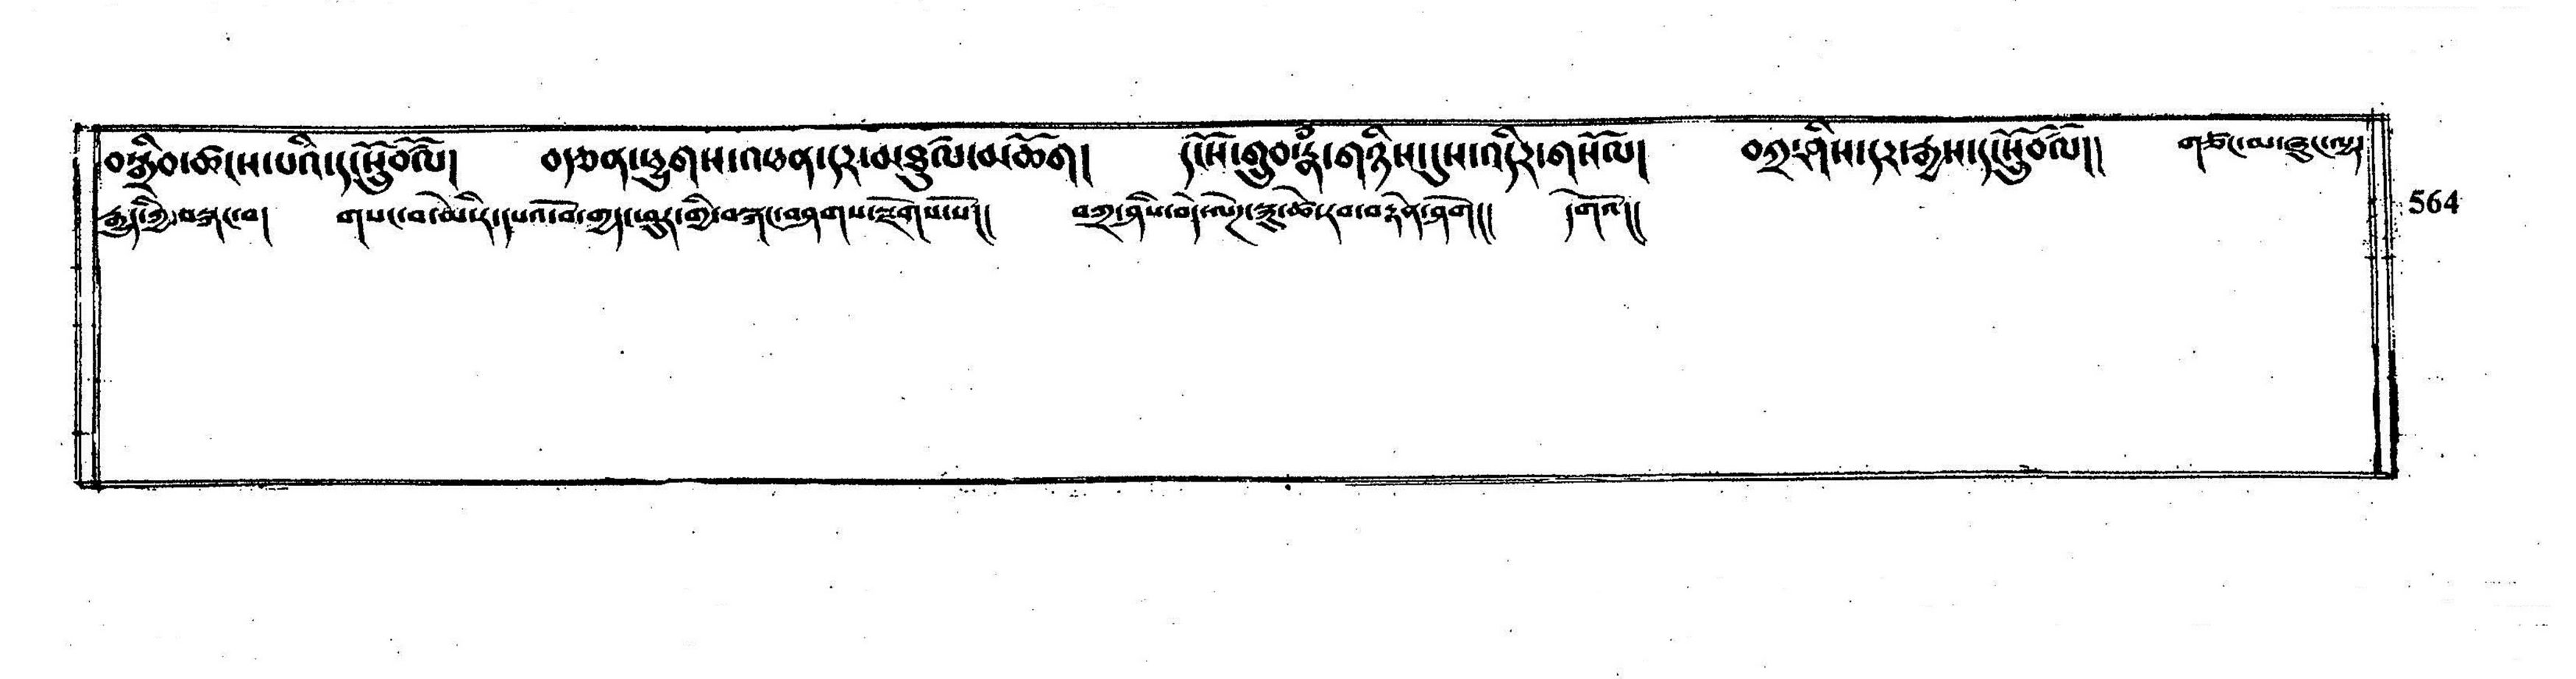བསྒྲིབ་ཚངས་པའི་དངོས་གྲུབ་སྩོལ། བརྩན་ཕྱུགས་འཕན་དར་མཐུ་རྩལ་མཆོག དངོས་གྲུབ་རྣམ་གཉིས་དུས་འདིར་གསོལ། བཀྲ་ཤིས་དར་རྒྱས་དངོས་གྲུབ་སྩོལ།། གཙང་མ་ཞུང་ཞུང་ལྷ་
རྒྱུད་ཀྱི་བསྐང་བ། གསང་བ་མེ་རི་དཔའ་བོ་གྱད་ཕུར་གྱི་བསྐང་བཤགས་རྫོགས་སོ།། བཀྲ་ཤིས་བདེ་ལེགས་སྐུ་ཚེ་རབ་བརྟན་ཤོག དགེའོ།།